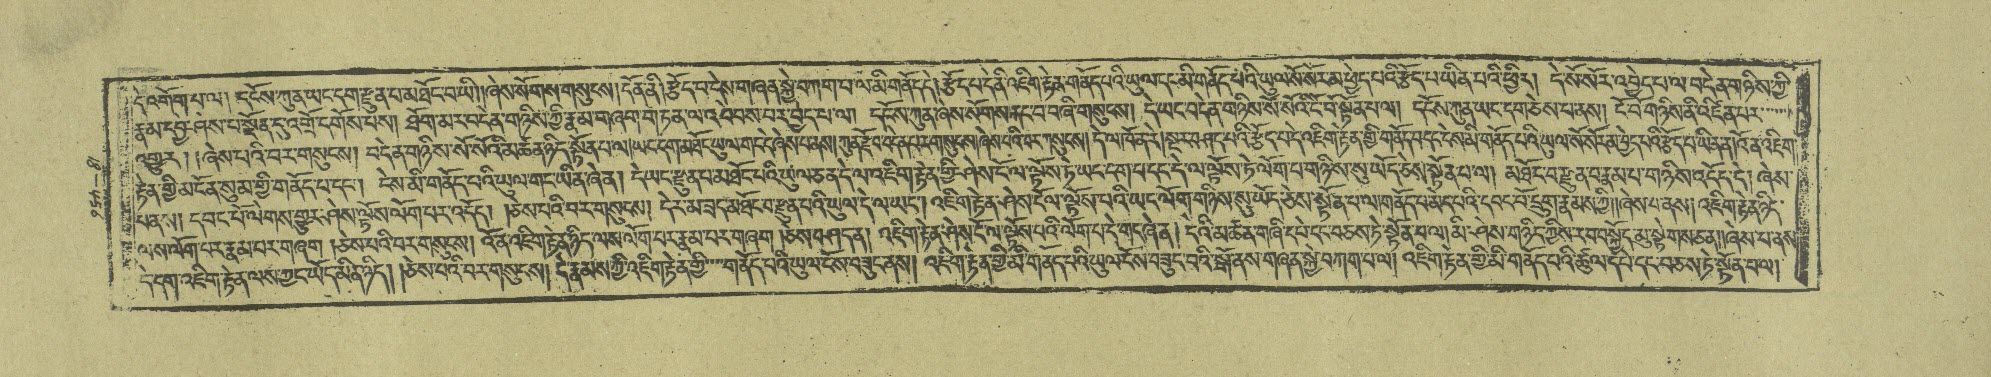དེ་འགོག་པ་ལ། དངོས་ཀུན་ཡང་དག་རྫུན་པ་མཐོང་བ་ཡི། །ཞེས་སོགས་གསུངས། དོན་ནི། རྩོད་པ་དེས་གཞན་སྐྱེ་བཀག་པ་ལ་མི་གནོད་དེ། རྩོད་པ་དེ་ནི་འཇིག་རྟེན་གནོད་པའི་ཡུལ་དང་མི་གནོད་པའི་ཡུལ་སོ་སོར་མ་ཕྱེད་པའི་རྩོད་པ་ཡིན་པའི་ཕྱིར། དེ་སོ་སོར་འབྱེད་པ་ལ་བདེན་གཉིས་ཀྱི་
རྣམ་དབྱེ་ཤེས་པ་སྔོན་དུ་འགྲོ་དགོས་པས། ཐོག་མར་བདེན་གཉིས་ཀྱི་རྣམ་གཞག་གཏན་ལ་འབེབས་པར་བྱེད་པ་ལ། དངོས་ཀུན་ཞེས་སོགས་རྐང་པ་བཞི་གསུངས། དེ་ཡང་བདེན་གཉིས་སོ་སོའི་ངོ་བོ་སྟོན་པ་ལ། དངོས་ཀུན་ཡང་དག་ཅེས་པ་ནས། ངོ་བོ་གཉིས་ནི་འཛིན་པར་
འགྱུར། །ཞེས་པའི་བར་གསུངས། བདེན་གཉིས་སོ་སོའི་མཚན་ཉིད་སྟོན་པ་ལ། ཡང་དག་མཐོང་ཡུལ་གང་དེ་ཞེས་པ་ནས། ཀུན་རྫོབ་བདེན་པར་གསུངས། ཞེས་པའི་བར་གསུངས། དེ་ལ་ཁོ་ན་རེ། སྔར་བཤད་པའི་རྩོད་པ་དེ་འཇིག་རྟེན་གྱི་གནོད་པ་དང་ངེས་མི་གནོད་པའི་ཡུལ་སོ་སོར་མ་བྱེད་པའི་རྩོད་པ་ཡིན་ན། འོ་ན་འཇིག་
རྟེན་གྱི་མངོན་སུམ་གྱི་གནོད་པ་དང་། དེས་མི་གནོད་པའི་ཡུལ་གང་ཡིན་ཞེ་ན། དེ་ཡང་རྫུན་པ་མཐོང་བའི་ཡུལ་ཅན་དེ་ལ་འཇིག་རྟེན་གྱི་ཤེས་ངོ་ལ་ལྟོས་ཏེ་ཡང་དག་པ་དང་དེ་ལ་ལྟོས་ཏེ་ལོག་པ་གཉིས་སུ་ཡོད་ཅེས་སྟོན་པ་ལ། མཐོང་བརྫུན་པ་རྣམ་པ་གཉིས་འདོད་དེ། ཞེས་
པ་ནས། དབང་པོ་ལེགས་གྱུར་ཤེས་ལྟོས་ལོག་པར་འདོད། །ཅེས་པའི་བར་གསུངས། དེར་མ་ཟད་མཐོང་བརྫུན་པའི་ཡུལ་དེ་ལ་ཡང་། འཇིག་རྟེན་ཤེས་ངོ་ལ་ལྟོས་པའི་ཡང་ལོག་གཉིས་སུ་ཡོད་ཅེས་སྟོན་པ་ལ། གནོད་པ་མེད་པའི་དབང་པོ་དྲུག་རྣམས་ཀྱི། །ཞེས་པ་ནས། འཇིག་རྟེན་ཉིད་
ལས་ལོག་པར་རྣམ་པར་གཞག །ཅེས་པའི་བར་གསུངས། འོ་ན་འཇིག་རྟེན་ཉིད་ལས་ལོག་པར་རྣམ་པར་གཞག །ཅེས་བཤད་ན། འཇིག་རྟེན་ཤེས་ངོ་ལ་ལྟོས་པའི་ལོག་པ་དེ་གང་ཞེ་ན། དེའི་མཚན་གཞི་དཔེ་དང་བཅས་ཏེ་སྟོན་པ་ལ། མི་ཤེས་གཉིད་ཀྱིས་རབ་བསྐྱོད་མུ་སྟེགས་ཅན། །ཞེས་པ་ནས་
དེ་དག་འཇིག་རྟེན་ལས་ཀྱང་ཡོད་མིན་ཉིད། །ཅེས་པའི་བར་གསུངས། དེ་རྣམས་ཀྱི་འཇིག་རྟེན་གྱི་གནོད་པའི་ཡུལ་ངོས་བཟུང་ནས། འཇིག་རྟེན་གྱི་མི་གནོད་པའི་ཡུལ་ངོས་བཟུང་བའི་སྒོ་ནས་གཞན་སྐྱེ་བཀག་པ་ལ། འཇིག་རྟེན་གྱི་མི་གནོད་པའི་ཚུལ་དཔེ་དང་བཅས་ཏེ་སྟོན་པ་ལ།